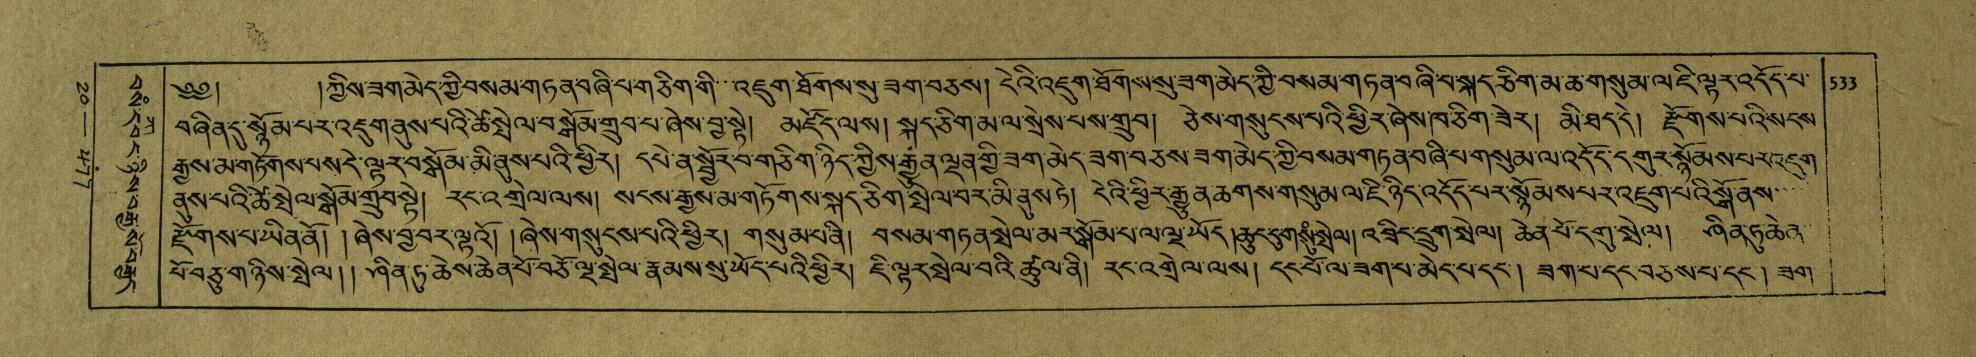༄༅། །ཀྱིས་ཟག་མེད་ཀྱི་བསམ་གཏན་བཞི་པ་གཅིག་གི་འཇུག་ཐོགས་སུ་ཟག་བཅས། དེའི་འཇུག་ཐོགས་སུ་ཟག་མེད་ཀྱི་བསམ་གཏན་བཞི་པ་སྐད་ཅིག་མ་ཆ་གསུམ་ལ་ཇི་ལྟར་འདོད་པ་
བཞིན་དུ་སྙོམ་པར་འཇུག་ནུས་པའི་ཚེ་སྤེལ་བསྒོམ་གྲུབ་པ་ཞེས་བྱ་སྟེ། མཛོད་ལས། སྐད་ཅིག་མ་ལ་སྲེས་པས་གྲུབ། ཅེས་གསུངས་པའི་ཕྱིར་ཞེས་ཁ་ཅིག་ཟེར། མི་ཐད་དེ། རྫོགས་པའི་སངས་
རྒྱས་མ་གཏོགས་པས་དེ་ལྟར་བསྒོམ་མི་ནུས་པའི་ཕྱིར། དཔེ་ན་སྦྱོར་བ་གཅིག་ཉིད་ཀྱིས་རྒྱུན་ལྡན་གྱི་ཟག་མེད་ཟག་བཅས་ཟག་མེད་ཀྱི་བསམ་གཏན་བཞི་པ་གསུམ་ལ་འདོད་དགུར་སྙོམས་པར་འཇུག་
ནུས་པའི་ཚེ་སྤེལ་སྒོམ་གྲུབ་སྟེ། རང་འགྲེལ་ལས། སངས་རྒྱས་མ་གཏོགས་སྐད་ཅིག་སྤེལ་བར་མི་ནུས་ཏེ། དེའི་ཕྱིར་རྒྱུན་ཆགས་གསུམ་ལ་ཇི་ཉིད་འདོད་པར་སྙོམས་པར་འཇུག་པའི་སྒོ་ནས་
རྫོགས་པ་ཡིན་ནོ། །ཞེས་བྱ་བར་ལྟའོ། །ཞེས་གསུངས་པའི་ཕྱིར། གསུམ་པ་ནི། བསམ་གཏན་སྤེལ་མར་སྒོམ་པ་ལ་ལྔ་ཡོད། ཆུང་དུ་གསུཾ་སྤེལ། འབྲིང་དྲུག་སྤེལ། ཆེན་པོ་དགུ་སྤེལ། ཤིན་ཏུ་ཆེན་
པོ་བཅུ་གཉིས་སྤེལ། །ཤིན་ཏུ་ཆེས་ཆེན་པོ་བཅོ་ལྔ་སྤེལ་རྣམས་སུ་ཡོད་པའི་ཕྱིར། ཇི་ལྟར་སྤེལ་བའི་ཚུལ་ནི། རང་འགྲེལ་ལས། དང་པོ་ལ་ཟག་པ་མེད་པ་དང་། ཟག་པ་དང་བཅས་པ་དང་། ཟག་